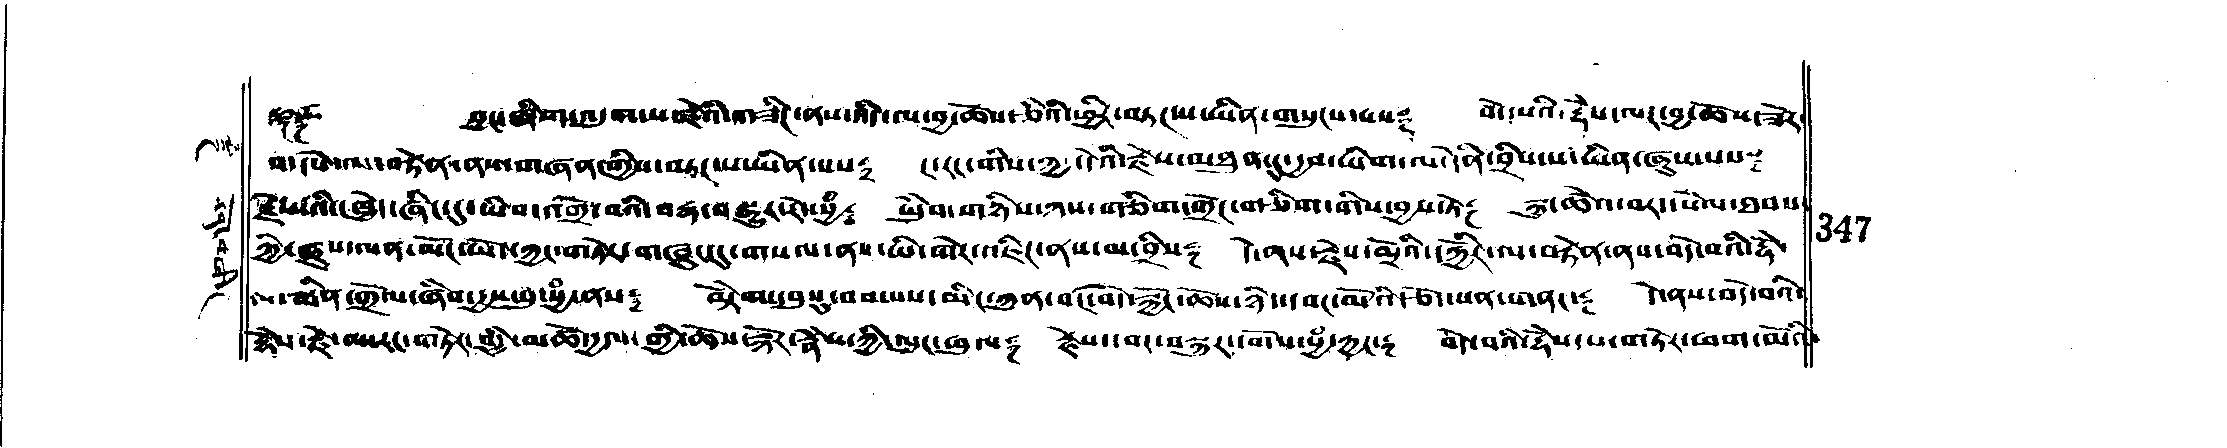བྱང་ཞིག་འདུག་པ་རྗེའི་གཟིགས་ནས་འདི་ལ་བྱ་ཆོས་ཅིའི་ཕྱིར་བཏགས་པ་ཡིན་གསུངས་པས།བདེ་བའི་རྡོ་རྗེས་ལགས་བྱ་ཆོས་ཟེར་
བ་དཔེ་ལ་བརྟེན་ནས་གཞན་གྱིས་བཏགས་པ་ཡིན་པས། ང་རང་གིས་ཀྱང་དེའི་རྗེས་མཐུན་དུ་རྒྱབ་ཡིག་ལ་དེ་ནི་བྲིས་པ་ཡིན་ཞུས་པས། 
རྗེས་འདི་ཁྱེད་ཞིང་དུ་ཡིབ་འགྲོ་བའི་བརྡ་བསྒྱུར་རེད་གསུངས། ཡབ་ཡུམ་གཉིས་ཀས་གཅིག་གྲོགས་གཅིག་གིས་བྱས་ཏེ། སྐུ་ཚེའི་བར་ཆད་སེལ་ཐབས་
ཀྱི་ཞུས་ལན་མང་པོ་ཡོད་ཀྱང་གཏེར་གཞུང་དུ་གསལ་བས་ཡི་གེར་འཇིགས་ནས་མ་བྲིས། དེ་ནས་རྗེས་མཁའ་འགྲོའི་དཀྱིལ་འཁོར་ལ་བརྟེན་ནས་བདེ་བའི་རྡོ་རྗེ་
ལ་སྨིན་གྲོལ་ཞིབ་རྒྱས་སུ་གསུངས་ནས། མེ་ཏོག་དབུས་སུ་བབ་པས་མིང་ཀུན་བཟང་བདེ་སྐྱོང་ཆོས་ཉིད་དབང་མོའི་ཅོད་པཎ་གནང་། དེ་ནས་བདེ་བའི་
རྡོ་རྗེས་རྗེ་ལ་རང་གཏེར་གྱི་མཚོ་རྒྱལ་གྱི་ཆོས་སྐོར་རྣམས་ཀྱི་ལུང་ཕུལ། རྗེས་དབང་བསྐུར་དགོས་གསུང་ཀྱང་། བདེ་བའི་རྡོ་རྗེས་ས་གཏེར་ཕག་མོའི་